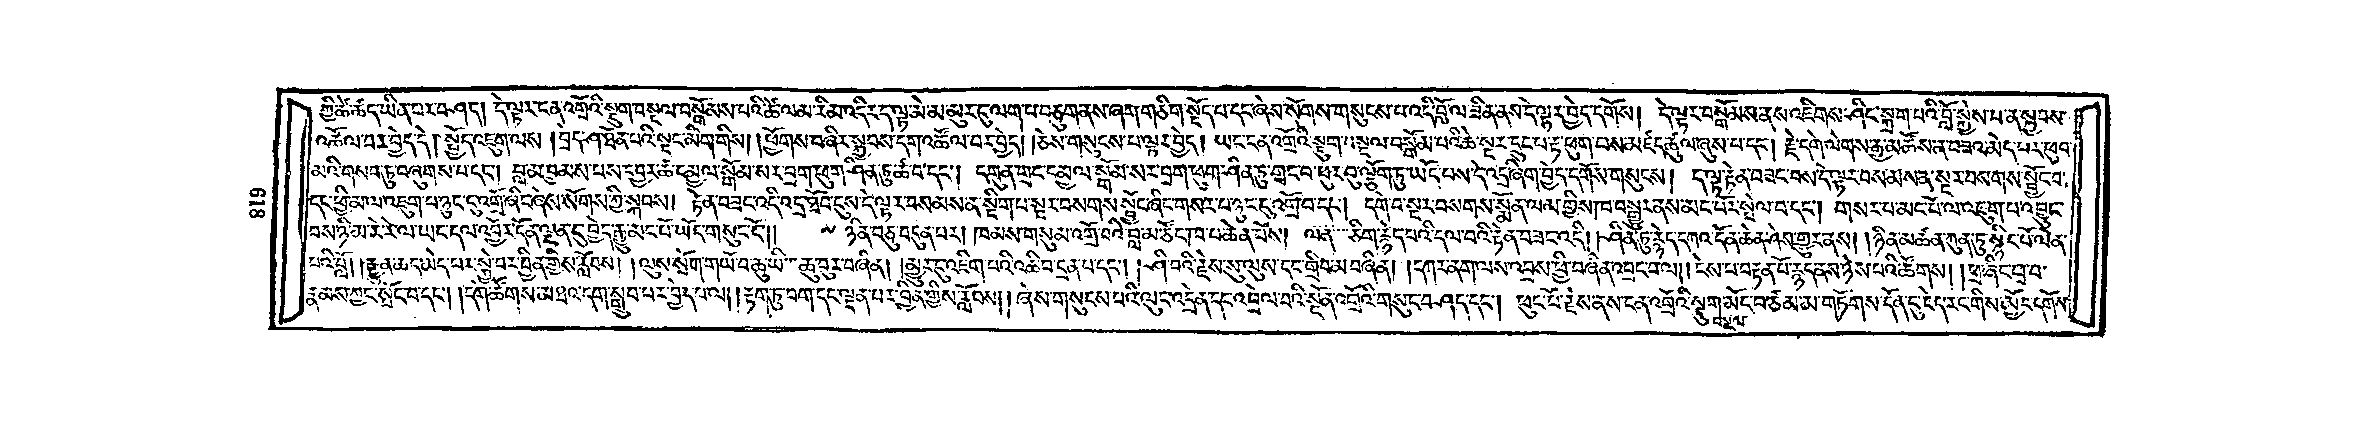ཀྱི་ཚེ་ཚད་ཡིན་པར་བཤད། དེ་ལྟར་ངན་འགྲོའི་སྡུག་བསྔལ་བསྒོམས་པའི་ཚེ་ལམ་རིམ་འདིར་ད་ལྟ་མེ་མ་མུར་དུ་ལག་པ་བཅུག་ནས་ཞག་གཅིག་སྡོད་པ་དང་ཞེས་སོགས་གསུངས་པ་འདི་བློ་ལ་ཟིན་ནས་དེ་ལྟར་བྱེད་དགོས། དེ་ལྟར་བསྒོམས་ནས་འཇིགས་ཤིང་སྐྲག་པའི་བློ་སྐྱེས་པ་ན་སྐྱབས་
འཚོལ་བར་བྱེད་དེ། སྤྱོད་འཇུག་ལས། བྲེད་ཤ་ཐོན་པའི་སྡང་མིག་གིས། །ཕྱོགས་བཞིར་སྐྱབས་དག་འཚོལ་བར་བྱེད། །ཅེས་གསུངས་པ་ལྟར་བྱེད། ཡང་ངན་འགྲོའི་སྡུག་བསྔལ་བསྒོམ་པའི་ཆེ་སྔར་དྲུང་པ་རྟ་ཕུག་བས་མཛད་ཚུལ་ཞུས་པ་དང་། རྗེ་དགེ་ལེགས་རྒྱ་མཚོས་ན་བཟའ་མེད་པར་ཕུབ་
མའི་གསབ་ཏུ་བཞུགས་པ་དང་། བླ་མ་བྱམས་པས་དབྱར་ཚ་དམྱལ་སྒོམ་སར་བྲག་ཕུག་ཤིན་ཏུ་ཚ་བ་དང་། །དགུན་གྲང་དམྱལ་སྒོམ་སར་བྲག་ཕུག་ཤིན་ཏུ་གྲང་བ་ཕུར་བུ་ལྕོག་ཏུ་ཡོད་པས་དེ་འདྲ་ཞིག་བྱེད་དགོས་གསུངས། ད་ལྟ་རྟེན་བཟང་བས་དེ་ལྟར་བསམས་ན་སྔར་བསགས་སྦྱོང་བ་
དང་ཕྱི་མ་ལ་འཇུག་པ་ཉུང་ངུ་འགྲོ་ཞིང་ཞེས་སོགས་ཀྱི་སྐབས། རྟེན་བཟང་འདི་འདྲ་ཐོབ་དུས་དེ་ལྟར་བསམས་ན་སྡིག་པ་སྔར་བསགས་སྦྱོང་ཞིང་གསར་པ་ཉུང་དུ་འགྲོ་བ་དང་། དགེ་བ་སྔར་བསགས་སྨོན་ལམ་གྱིས་ཁ་བསྒྱུར་ནས་མང་པོར་སྤེལ་བ་དང་། གསར་པ་མང་པོ་ལ་འཇུག་པ་འབྱུང་
བས་ཉི་མ་རེ་རེ་ལ་ཡང་དལ་འབྱོར་དོན་ལྡན་དུ་བྱེད་རྒྱུ་མང་པོ་ཡོད་གསུང་ངོ།། ༈ ཉིན་བཅུ་བདུན་པར། ཁམས་གསུམ་འགྲོ་བའི་བླ་མ་ཙོང་ཁ་པ་ཆེན་པོས། ལན་ཅིག་རྙེད་པའི་དལ་བའི་རྟེན་བཟང་འདི། །ཤིན་ཏུ་རྙེད་དཀའ་དོན་ཆེན་ཤེས་གྱུར་ནས། །ཉིན་མཚན་ཀུན་ཏུ་སྙིང་པོ་ལེན་
པའི་བློ། །རྒྱུན་ཆད་མེད་པར་སྐྱེ་བར་བྱིན་གྱིས་རློབས། །ལུས་སྲོག་གཡོ་བ་ཆུ་ཡི་ཆུ་བུར་བཞིན། །མྱུར་དུ་འཇིགས་པའི་འཆི་བ་དྲན་པ་དང་། །ཤི་བའི་རྗེས་སུ་ལུས་དང་གྲིབ་མ་བཞིན། །དཀར་ནག་ལས་འབྲས་ཕྱི་བཞིན་འབྲང་བ་ལ། །ངེས་པ་བརྟན་པོ་རྙེད་ནས་ཉེས་པའི་ཚོགས། །ཕྲ་ཞིང་ཕྲ་བ་
རྣམས་ཀྱང་སྤོང་བ་དང་། །དགེ་ཚོགས་མཐའ་དག་སྒྲུབ་པར་བྱེད་པ་ལ། །རྟག་ཏུ་བག་དང་ལྡན་པར་བྱིན་གྱིས་རློབས། །ཞེས་གསུངས་པའི་ལུང་འདྲེན་དང་འབྲེལ་བའི་སྔོན་འགྲོའི་གསུང་བཤད་དང་། ཕུང་པོ་རྗེས་ནས་ངན་འགྲོའི་སྡུག་བསྔལ་མོང་བ་ཙམ་མ་གཏོགས་དོན་དུ་ངེད་རང་གིས་མྱོང་དགོས་